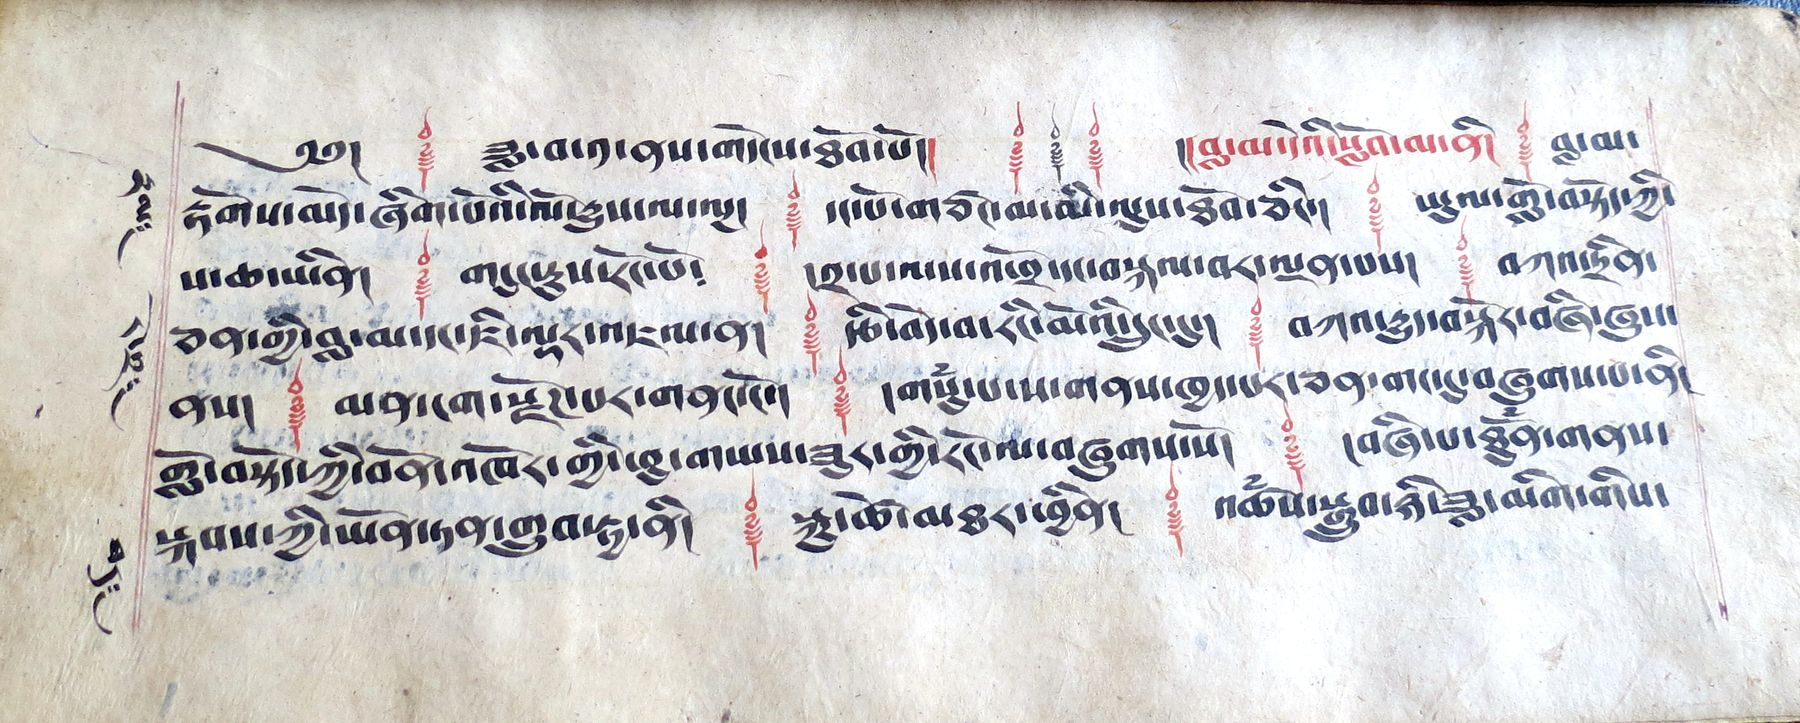ཟླ་བ་གཅིག་ནས་གདེང་ཐོབ་བོ། ། བླ་མ་དེའི་སློབ་མ་ནི། བླ་མ་
རྟོག་མེད་ཞིག་པོའི་ལོ་རྒྱུས་ལ་ལྔ། དང་པོ་གཙང་མ་མི་ལུས་ཐོབ་ཅིང་། ཡུལ་གློ་སྟོད་ཀྱི་
ས་ཆ་ཡིན། གདུང་རུས་རོང་པོ། གཉིས་པ་ལས་འཕྲོ་དང་སྐལ་བར་ལྡན་པས། བཀའ་དྲིན་
ཅན་གྱི་བླ་མ་དང་ཅི་ལྟར་མཇལ་ན། རྩི་བདེ་བ་རིང་མོའི་དྲུང་དུ་བཀའ་རྒྱུད་སྐོར་བཞི་ཞུས་
ནས། མན་ངག་རྫོགས་པར་གནང་། གསུམ་པ་ས་གནས་ཁྱད་པར་ཅན་གང་དུ་བཞུགས་པ་ནི། 
གློ་སྟོད་བོན་འཁོར་གྱི་ཕུ། གཡས་ཟུར་གྱི་རོང་ལ་བཞུགས་སོ། ། བཞི་པ་ཐུན་མོང་དང་གནས་
སྐབས་ཀྱི་ཡོན་ཏན་གྲུབ་རྟགས་ནི། སྐུ་ཚེ་མཐར་ཕྱིན་མཚམས་བསྒྲུབ་ཉི་ཟླ་མིག་གིས་